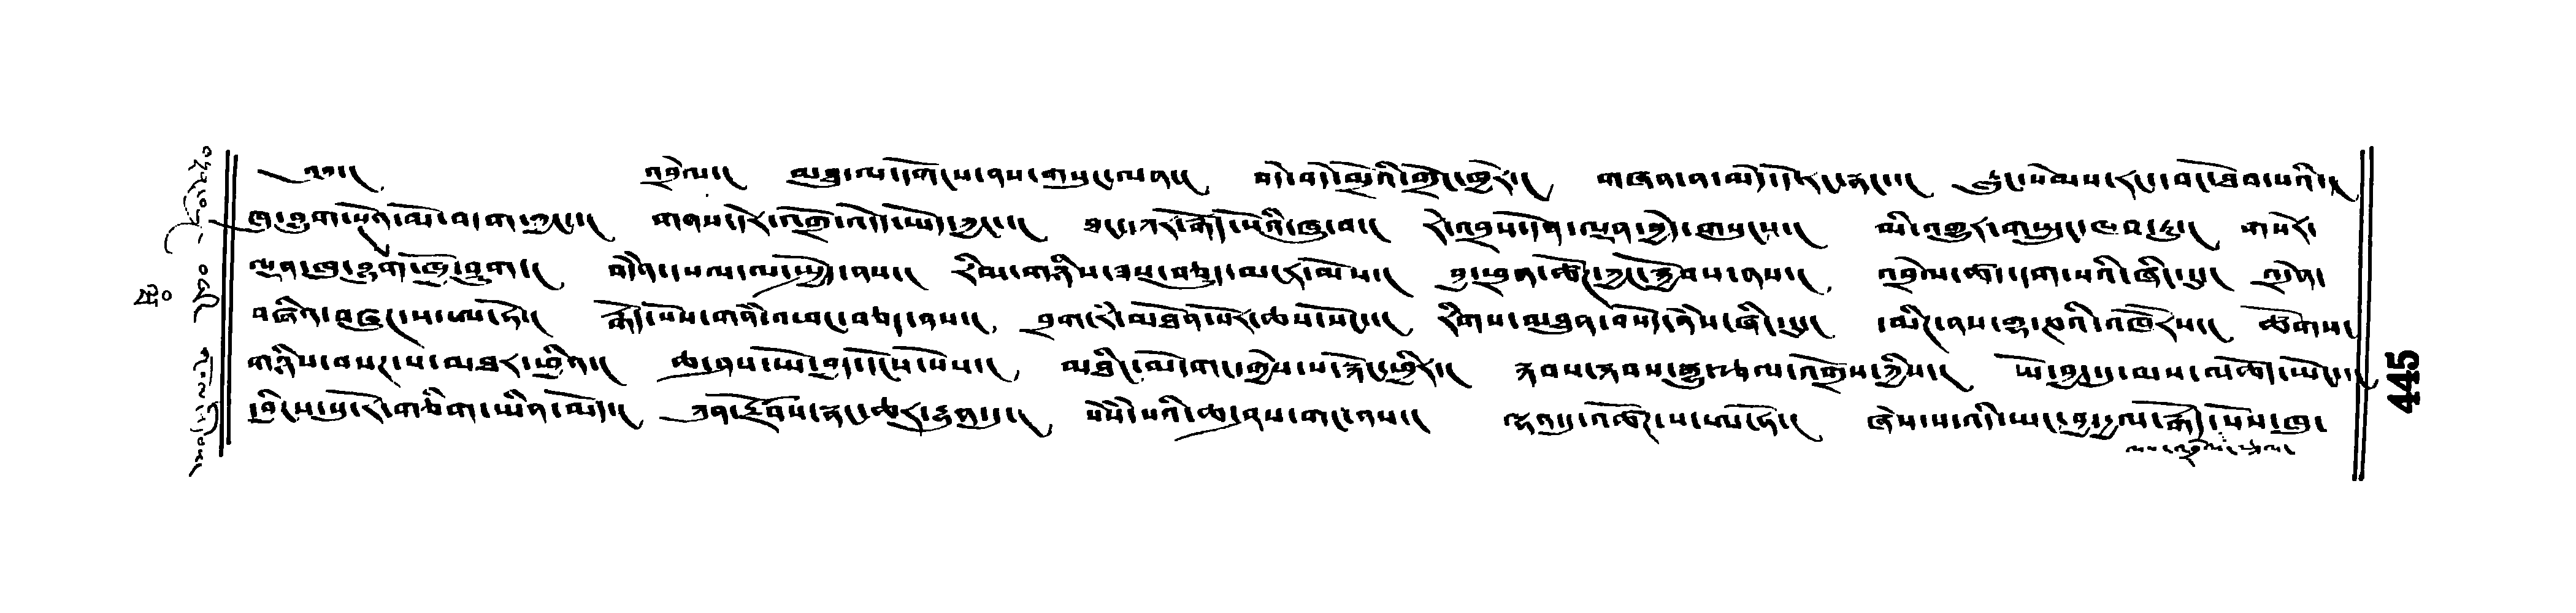འབྲེལ། །མཐུ་ལ་དགོངས་ནས་གསུང་ལན། །བདེ་བདེ་མཁའ་འགྲོའི་གྲོང་ཁྱེར། །གཞན་ན་མེད་དོ་རང་སྣང་། །རླུང་སེམས་རང་དབང་ཐོབ་པའི། 
ཁུ་བྱུག་སྔོན་མོ་བདག་ཀྱང་། །གནས་དེར་འགྲོ་འདོད་ཡོད་ཀྱང་། །ཐང་དཀར་རྒོད་པོའི་ཞུ་བ། །རེ་འབྲས་དོན་ལྡན་བྱེད་གསུངས། །མི་འགྱུར་གཡུང་དྲུང་ཁབ་ཏུ། །གསེར་
ལྡན་ཁུ་བྱུག་ཁྱོ་ཤུག །བདེ་ཆེན་དཔལ་ལ་སྤྱོད་ནས། །རིམ་གཉིས་ཟས་བཅུད་མངར་མོས། །བྱ་ཕྲན་ཚོགས་ཀྱང་སྐྱོབས་ནས། །འབྲེལ་ཚད་དག་པའི་ཞིང་དུ། །འདྲེན་
བཞིན་བཞུགས་པ་ཨ་ཧོ། །རྒོད་པོས་གནམ་འཕང་བཅད་ནས། །བྲག་རི་མཐོན་པོར་ཆས་སོང་། །རིགས་མཐུན་བསོད་ནམས་ཞིང་དུ། །དམིགས་ནས་གྷ་ཎའི་འཁོར་ལོས། །ཚོགས་
གཉིས་བསགས་པ་མཐར་ཕྱིན། །ཆ་ཤས་ཡོ་བྱད་དངོས་པོས། །མཐིང་མདོག་དགྱེས་པ་སྐོང་ཕྱིར། །སྐབས་སྐབས་སྒྱུ་རྩལ་འགྲོས་ཀྱིས། །ཡོ་བྱད་དུ་མས་མཆོད་ཡོང་། །
དབྱིངས་སུ་རོ་གཅིག་ཡིན་མོད། །ཀུན་རྫོབ་སྣང་ཆར་རྒྱུན་དུ། །སེམས་པའི་ཆ་ཤས་གང་ནས། །ལྷན་དུ་འཚོགས་པ་ཨ་ཧོ། །ཞེས་པ་འདི་ཡང་བྱ་རྒྱལ་རྒོད་པོས་ཁུ་